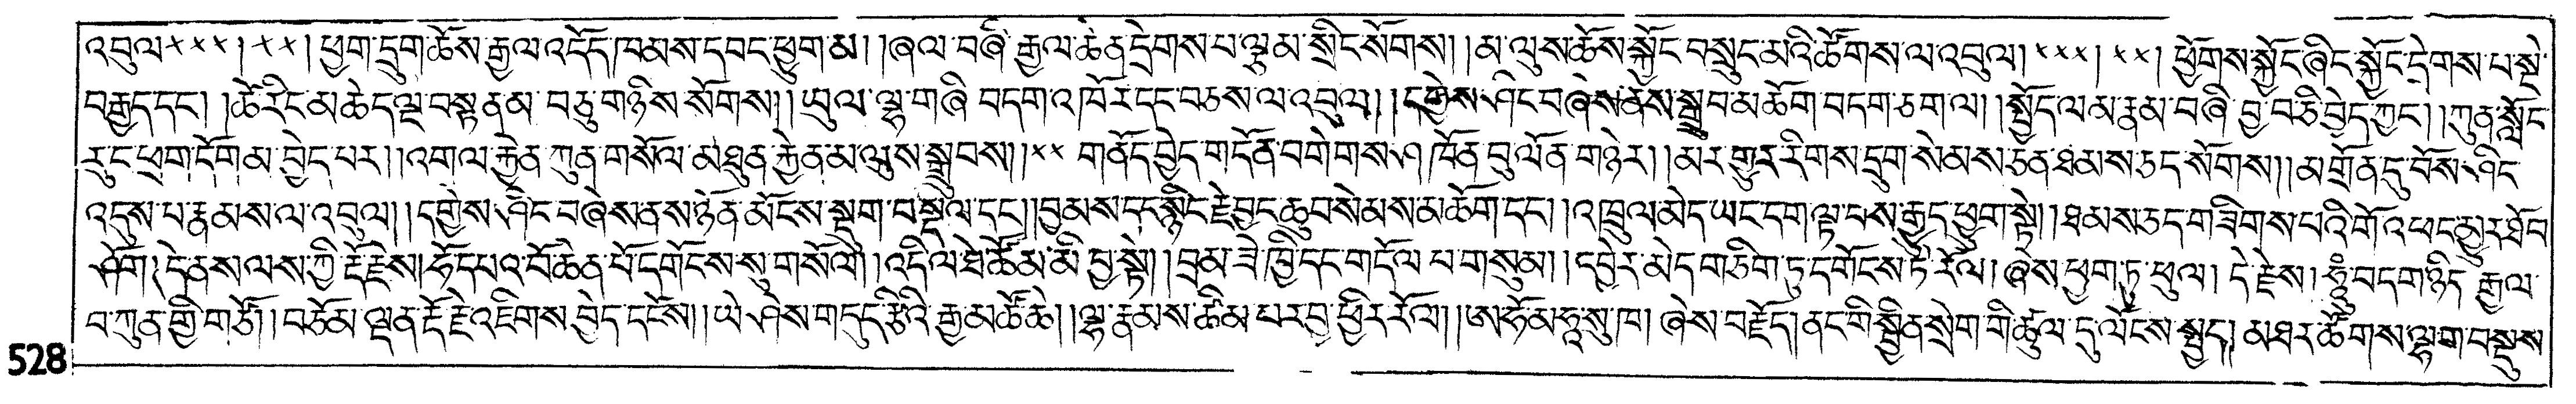འབུལ་྾྾྾། ྾྾། ཕྱག་དྲུག་ཆོས་རྒྱལ་འདོད་ཁམས་དབང་ཕྱུག་མ། །ཞལ་བཞི་རྒྱལ་ཆེན་དྲེགས་པ་ལྕམ་སྲིང་སོགས། །མ་ལུས་ཆོས་སྐྱོང་བསྲུང་མའི་ཚོགས་ལ་འབུལ། ྾྾྾། ྾྾། ཕྱོགས་སྐྱོང་ཞིང་སྐྱོང་དྲེགས་པ་སྡེ་
བརྒྱད་དང་། །ཚེ་རིང་མཆེད་ལྔ་བསྟན་མ་བཅུ་གཉིས་སོགས། །ཡུལ་ལྷ་གཞི་བདག་འཁོར་དང་བཅས་ལ་འབུལ། །དགྱེས་ཤིང་བཞེས་ནས་སྒྲུབ་མཆོག་བདག་ཅག་ལ། །སྤྱོད་ལམ་རྣམ་བཞི་བྱ་བ་ཅི་བྱེད་ཀྱང་། །ཀུན་སློང་
རུ་ང་ཕྲག་དོག་མ་བྱེད་པར། །འགལ་རྐྱེན་ཀུན་གསོལ་མཐུན་རྐྱེན་མ་ལུས་སྒྲུབས། །྾྾་གནོད་བྱེད་གདོན་བགེགས་ཤ་ཁོན་བུ་ལོན་གཉེར། །མར་གྱུར་རིགས་དྲུག་སེམས་ཅན་ཐམས་ཅད་སོགས། །མགྲོན་དུ་བོས་ཤིང་
འདུས་པ་རྣམས་ལ་འབུལ། །དགྱེས་ཤིང་བཞེས་ནས་ཉོན་མོངས་སྡུག་བསྔལ་དང་། །བྱམས་དང་སྙིང་རྗེ་བྱང་ཆུབ་སེམས་མཆོག་དང་། །འཁྲུལ་མེད་ཡང་དག་ལྟ་བས་རྒྱུད་ཕྱུག་སྟེ། །ཐམས་ཅད་གཟིགས་པའི་གོ་འཕང་མྱུར་ཐོབ་
ཤོག ༑དེ་ནས་ལས་ཀྱི་རྡོ་རྗེས། ཧོ་དཔའ་བོ་ཆེན་པོ་དགོངས་སུ་གསོལ། །འདི་ལ་ཐེ་ཚོམ་མི་བྱ་སྟེ། །བྲམ་ཟེ་ཁྱི་དང་གདོལ་པ་གསུམ། །དབྱེར་མེད་གཅིག་ཏུ་དགོངས་ཏེ་རོལ། ཞེས་ཕྱག་ཏུ་ཕུལ། དེ་རྗེས། ཧཱུཾ་བདག་ཉིད་རྒྱལ་
བ་ཀུན་གྱི་གཙོ། །བཅོམ་ལྡན་རྡོ་རྗེ་འཇིགས་བྱེད་དངོས། །ཡེ་ཤེས་གདུད་རྩིའི་རྒྱ་མཚོ་ཆེ། །ལྷ་རྣམས་ཚིམ་པར་བྱ་ཕྱིར་རོལ། །ཨ་ཧོ་མཧཱ་སུ་ཁ། ཞེས་བརྗོད། ནང་གི་སྦྱིན་སྲེག་གི་ཚུལ་དུ་ལོངས་སྤྱད། མཐར་ཚོགས་ལྷག་བསྡུས་